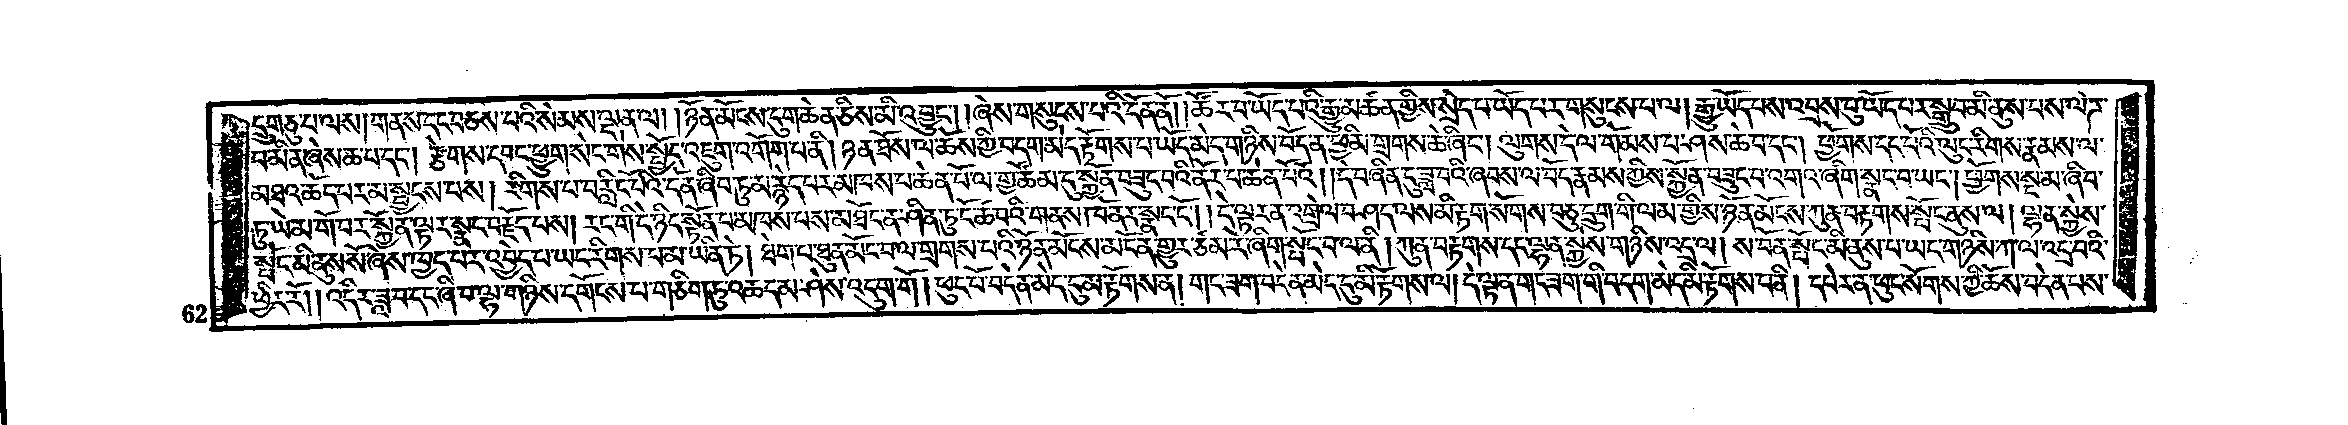དྲུག་ཅུ་པ་ལས། གནས་དང་བཅས་པའི་སེམས་ལྡན་ལ། །ཉོན་མོངས་དུག་ཆེན་ཅིས་མི་འབྱུང་། །ཞེས་གསུངས་པའི་དོན་ནོ། །ཚོར་བ་ཡོད་པའི་རྒྱུ་མཚན་གྱིས་སྲེད་པ་ཡོད་པར་གསུངས་པ་ལ། རྒྱུ་ཡོད་པས་འབྲས་བུ་ཡོད་པར་སྒྲུབ་མི་ནུས་པས་ལེགས་
པ་མིན་ཞེས་ཆད་པ་དང་། རྩེགས་དབང་ཕྱུག་སེང་གེས་སྤྱོད་འཇུག་འགོག་པ་ནི། ཉན་ཐོས་ལ་ཆོས་ཀྱི་བདག་མེད་རྟོགས་པ་ཡོད་མེད་གཉིས་བོད་ན་ཕྱི་མ་གྲགས་ཆེ་ཞིང་། ལུགས་དེ་ལ་གོམས་པ་ཤས་ཆེ་བ་དང་། ཕྱོགས་དང་པོའི་ལུང་རིགས་རྣམས་ལ་
མཐའ་ཆོད་པར་མ་སྦྱངས་པས། རིགས་པ་བརླིང་པོའི་དོན་ཞིབ་ཏུ་མ་རྙེད་པར་མཁས་པ་ཆེན་པོ་ལ་གྱ་ཚོམ་དུ་སྐྱོན་བཟུང་བའི་ནོར་པ་ཆེན་པོའོ། །དེ་བཞིན་དུ་ཟླ་བའི་ཞབས་ལ་བོད་རྣམས་ཀྱིས་སྐྱོན་བཟུང་བ་འགའ་ཞིག་སྣང་བ་ཡང་། ཕྱོགས་སྔ་མ་ཞིབ་
ཏུ་ཡེ་མ་གོ་བར་སྐྱོན་ལྟར་སྣང་བརྗོད་པས། རང་གི་དེ་ཉིད་སྟོན་པ་མཁས་པས་མཐོང་ན་ཤིན་ཏུ་ངོ་ཚ་བའི་གནས་ཁོ་ནར་སྣང་ངོ། །དེ་ལྟར་ན་འགྲེལ་བཤད་ལས་མི་རྟག་སོགས་བཅུ་དྲུག་གི་ལམ་གྱིས་ཉོན་མོངས་ཀུན་བརྟགས་སྤོང་ནུས་ལ། ལྷན་སྐྱེས་
སྤོང་མི་ནུས་སོ་ཞེས་ཁྱད་པར་འབྱེད་པ་ཡང་རིགས་པ་མ་ཡིན་ཏེ། ཐེག་པ་ཐུན་མོང་བ་ལ་གྲགས་པའི་ཉོན་མོངས་མངོན་གྱུར་ཙམ་རེ་ཞིག་སྤོང་བ་ལ་ནི། ཀུན་བརྟགས་དང་ལྷན་སྐྱེས་གཉིས་འདྲ་ལ། ས་བོན་སྤོང་མི་ནུས་པ་ཡང་གཉིས་ཀ་ལ་འདྲ་བའི་
ཕྱིར་རོ། །འདིར་ཟླ་བ་དང་ཞི་བ་ལྷ་གཉིས་དགོངས་པ་གཅིག་ཏུ་འཆད་མ་ཤེས་འདུག་གོ །ཕུང་པོ་བདེན་མེད་དུ་མ་རྟོགས་ན། གང་ཟག་བདེན་མེད་དུ་མི་རྟོགས་ལ། དེ་ལྟ་ན་གང་ཟག་གི་བདག་མེད་མི་རྟོགས་པ་ནི། དཔེར་ན་ཕུང་སོགས་ཀྱི་ཆོས་བདེན་པས་